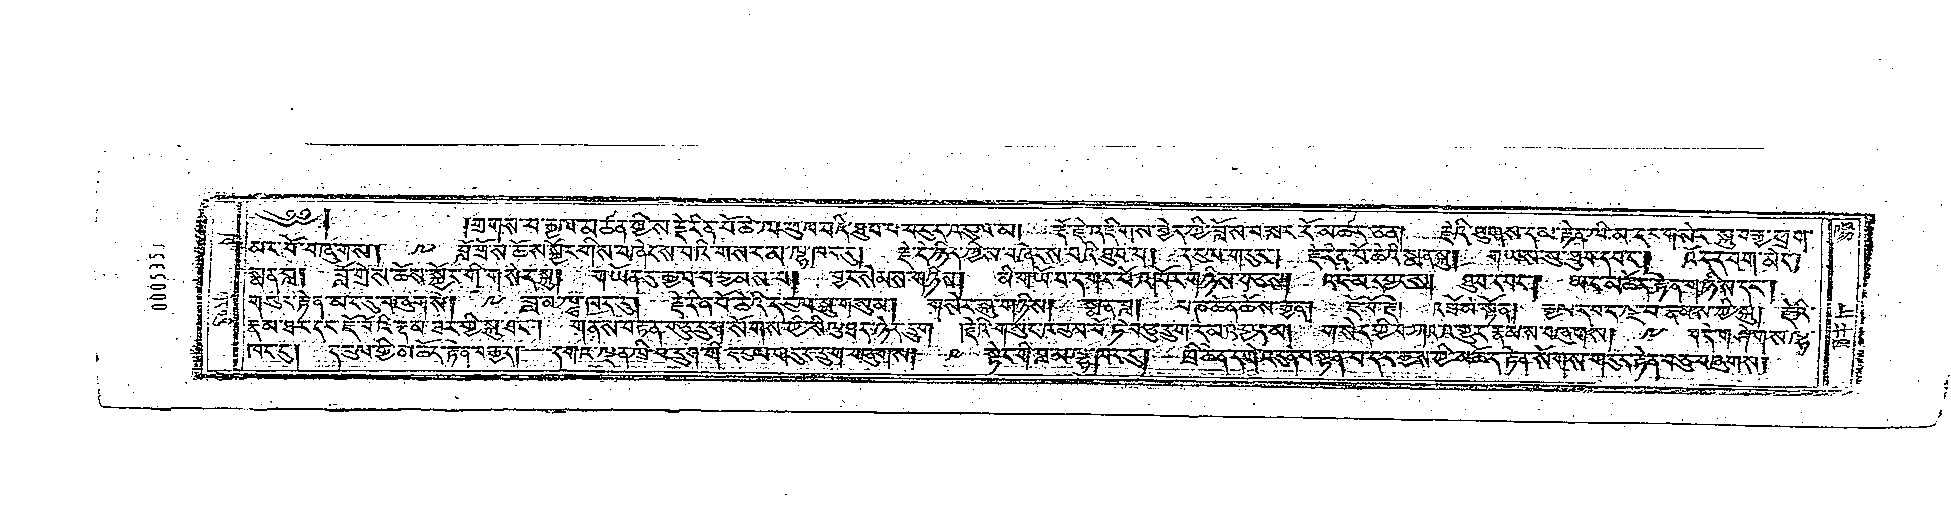༄༅། །གྲགས་བ་རྒྱལ་མཚན་གྱིས་རྗེ་རིན་པོ་ཆེ་ལ་ཕུལ་བའི་ཐུབ་པ་བ་དུད་འདུལ་མ། རྡོ་རྗེ་འཇིགས་བྱེད་ཀྱི་བློས་བསླང་ངོ་མཚར་ཅན། རྗེའི་ཐུགས་དམ་རྟེན་ལི་མ་དང་གསེར་སྐུ་བརྒྱ་ཕྲག་
མང་པོ་བཞུགས། ༧་བློ་གྲོ་ས་ཆོས་སྐྱོང་གིས་བཞེངས་བའི་གསར་མ་ལྷ་ཁང་དུ། རྗེ་དེ་ཉིད་ཀྱིས་བཞེངས་པའི་ཐུབ་པ། དངུལ་གདུང་། རྗེ་རིན་པོ་ཆེའི་སྨན་སྐུ། གཡས་སུ་ཐུབ་དབང་། འོ་དར་བག་མེད།
སྨན་བླ། བློ་གྲེས་ཆོས་སྐྱོང་གི་གསེར་སྐུ། གཡོན་དུ་རྒྱལ་བ་བྱམས་པ། བྱང་སེམས་གཉིས། མི་གཡོ་བ་དགར་པོ་འཁོར་གཉིས་བཅས། འཇམ་དབྱངས། ཐུབ་དབང་། ཡང་མཆོད་རྟེན་གཉིས་དང་།
གསུང་རྟེན་མང་དུ་བཞུག་སོ། ༧་བླ་མ་ལྷ་ཁང་དུ། རྗེ་རིན་པོ་ཆེའི་དངུལ་སྐུ་གསུམ། གསེར་སྐུ་གཉིས། སྨན་བླ། པཎ་ཆེན་ཆོས་རྒྱན། ཇོ་བོ་རྗེ། འབྲོམ་སྟོན། རྒྱལ་དབང་ལྔ་པ་རྣམས་ཀྱི་སྐུ། རྗེའི་
རྣམ་ཐར་དང་ཇོ་བོའི་རྣམ་ཐར་གྱི་སྐུ་ཐང་། གནས་བརྟན་བཅུ་དྲུག་སོགས་ཀྱི་སི་ལུ་ཐང་ཉེར་དྲུག །རྗེའི་གསུང་འབུམ་བོ་ཏེ་བཅུ་དྲུག་དམ་འབྱད་མ། གསེད་གྱི་བཀའ་འགྱུར་རྣམས་བཞུགས། ༧་བདེ་གཤེགས་ལྷ་
ཁང་དུ། དངུལ་གྱི་མཆོད་རྟེན་བརྒྱད། དགའ་ལྡན་ཁྲི་པ་དྲུག་གི་དངུལ་གདུང་དྲུག་བཞུགས། ༧་སྟེང་གི་བླ་མ་ལྷ་ཁང་དུ། ཁྲི་ཆེན་དགེ་འདུན་བསྟན་པ་དང་རྒྱས་ཀྱི་མཆོད་རྟེན་སོགས་གདུང་རྟེན་བཅུ་བཞུགས།